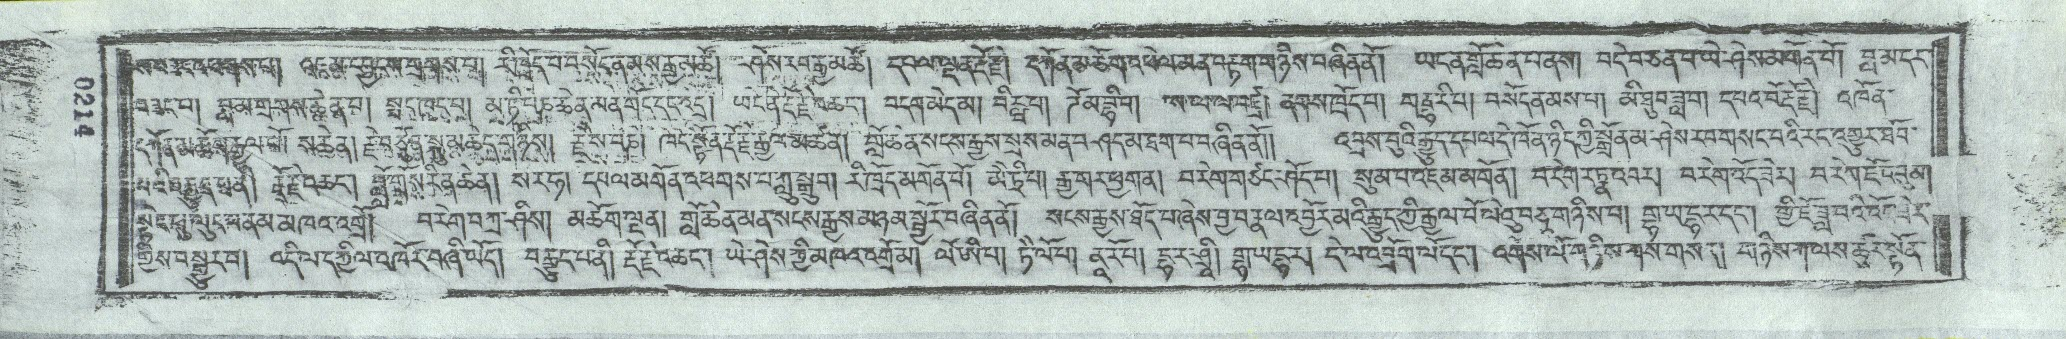ས་བཟང་འཕགས་པ། འཇམ་དབྱངས་གྲགས་པ། རི་ཁྲོད་བ་བསོད་ནམས་རྒྱ་མཚོ། ཤེས་རབ་རྒྱ་མཚོ། དཔལ་ལྡན་རྡོ་རྗེ། དཀོན་མཆོག་འཕེལ་མན་བརྟག་གཉིས་པ་བཞིན་ནོ། ཡང་ན་གློ་ཆེན་པ་ནས། བདེ་བ་ཅན་པ་ཡེ་ཤེས་མགོན་པོ། བླ་མ་དར་
བཟང་བ། བླ་མ་གྲགས་ཆེན་པ། སྤང་ཁང་པ། མ་ཏི་པཎ་ཆེན་ལམ་གོང་དང་འདྲ། ཡང་ན་རྡོ་རྗེ་འཆང་། བདག་མེད་མ། བིརྭ་བ། ཌོམ་བྷི་པ། ས་ལ་ལ་བཛྲ། ནགས་ཁྲོད་པ། གརྦྷ་རི་པ། བསོད་ནམས་པ། མི་ཐུབ་ཟླ་བ། དཔའ་བོ་རྡོ་རྗེ། འཁོན་
དཀོན་མཆོག་རྒྱལ་པོ། ས་ཆེན། རྗེ་བཙུན་སྐུ་མཆེད་གཉིས། རྗེས་པཎ། ཁང་སྟོན་རྡོ་རྗེ་རྒྱལ་མཚན། བློ་ཆེན་སངས་རྒྱས་སྲས་མན་བཤད་མ་ཐག་པ་བཞིན་ནོ།། འབྲས་བུའི་རྒྱུད་དཔལ་དེ་ཁོ་ན་ཉིད་ཀྱི་སྒྲོན་མ་ཤེས་རབ་གསང་བའི་རང་འགྱུར་ཐོབ་
པའི་བརྒྱུད་པ་ནི། རྡོ་རྗེ་འཆང་། བློ་གྲོས་རིན་ཆེན། སར་ཧ། དཔལ་མགོན་འཕགས་པ་ཀླུ་སྒྲུབ། རི་ཁྲོད་མགོན་པོ། མཻ་ཏྲི་པ། རྒྱ་གར་ཕྱག་ན། བ་རེག་གཙང་ཤོད་པ། སུམ་པ་འཇམ་མགོན། བ་རེག་རཏྣ་འབར། བ་རེག་གཙང་ཤོད་པ། སུམ་པ་འཇམ་མགོན། བ་རེག་རཏྣ་འབར། བ་རེག་འོད་ཟེར། བ་རེག་ཇོ་འབུམ་
སྟེང་ཕུ་ལུང་པ་ནམ་མཁའ་འགྲོ། བ་རེག་བཀྲ་ཤིས། མཆོག་ལྡན། གློ་ཆེན་མན་སངས་རྒྱས་མཉམ་སྦྱོར་བཞིན་ནོ། སངས་རྒྱས་ཐོད་པ་ཞེས་བྱ་བ་རྣལ་འབྱོར་མའི་རྒྱུད་ཀྱི་རྒྱལ་པོ་ལེའུ་བཅུ་གཉིས་པ། གྷ་ཡ་དྷར་དང་། གྱི་ཇོ་ཟླ་བའི་ལོ་སེར་
གྱིས་བསྒྱུར་བ། འདི་ལ་དཀྱིལ་འཁོར་བཞི་ཡོད། བརྒྱུད་པ་ནི། རྡོ་རྗེ་འཆང་། ཡེ་ཤེས་ཀྱི་མཁའ་འགྲོ་མ། ལོ་ཨི་པ། ཏཻ་ལོ་པ། ནཱ་རོ་པ། དྷ་ར་ཤྲཱི། གྷ་ཡ་དྷར། དེ་ལ་འབྲོག་ལོ་དང་། འགས་ལོ་གཉིས་ཀས་གསན། གཉིས་ཀ་ལས་ཚུར་སྟོན་